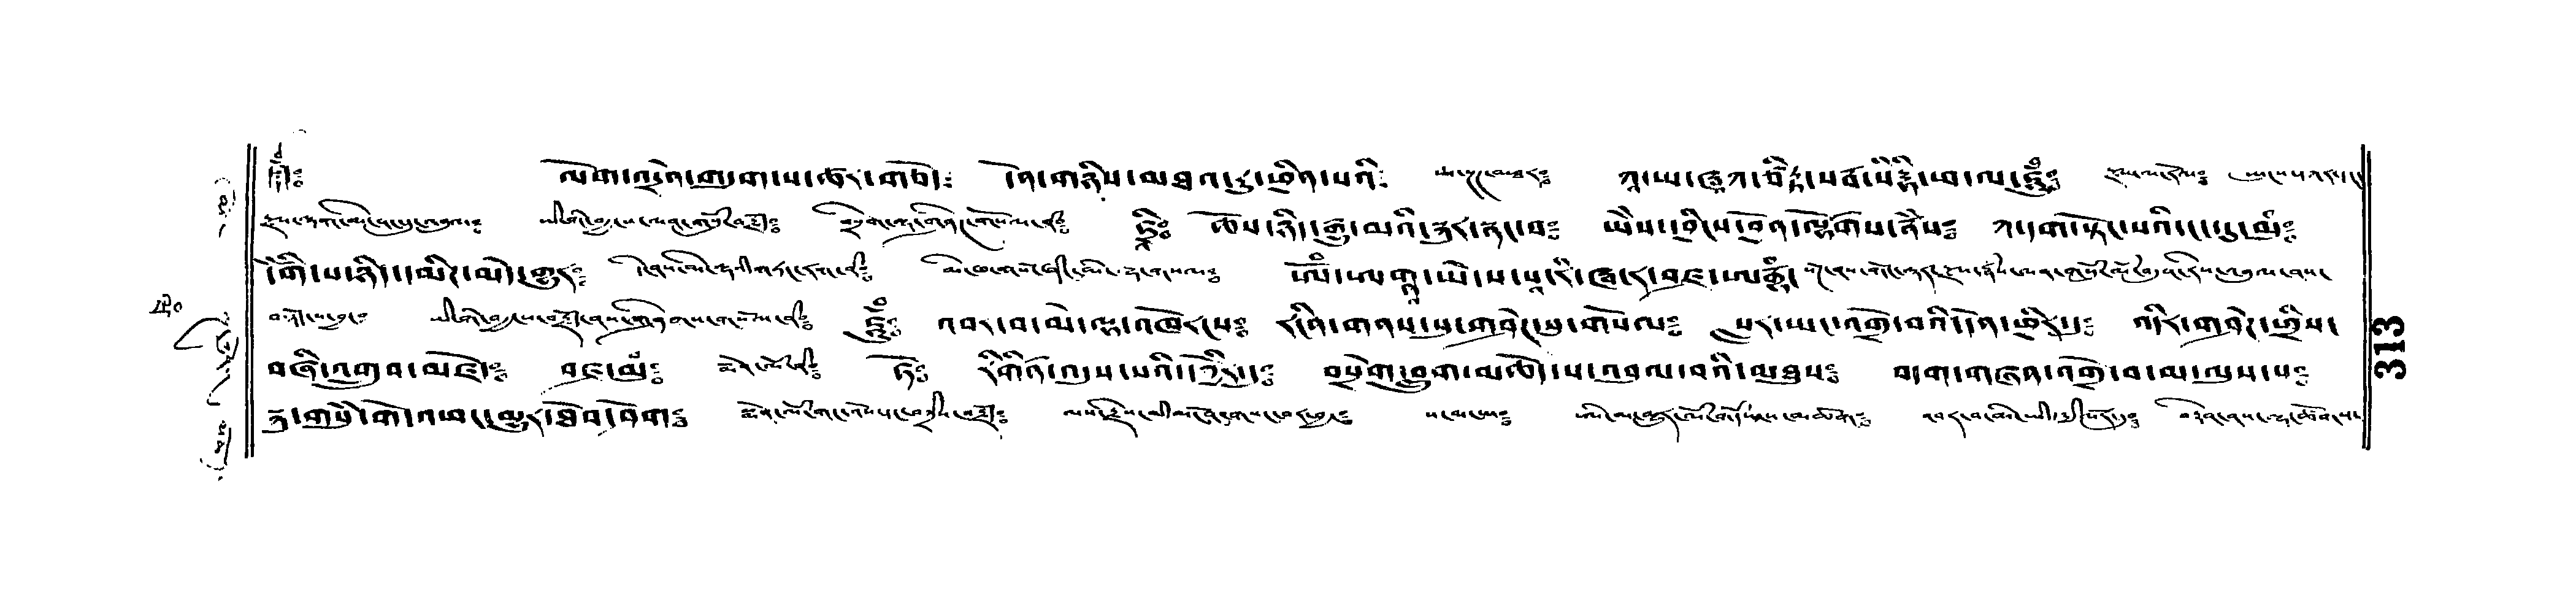ལོག་འདྲེན་གདུག་པ་ཚར་གཅོད༴ དོན་གཉིས་མཐའ་རུ་ཕྱིན་པའི༴ རྩ་སྔགས་མཐར༔ ཀཱ་ཡ་ཝཱཀྐ་ཙིཏྟ་སརྦ་སིདྡྷི་ཕ་ལ་ཧཱུྃ༔རྫས་ལ་རོལ༔ ཡུངས་དཀར་དང་
རྫས་ལྷག་མེ་ནང་དུ་འབུལ༔ ཡི་གེ་བརྒྱ་པ་ལན་གསུམ་བརྗོད༔ སྲེག་ལྷ་གཤེགས་གསོལ་ནི༔ ཧྲཱིཿ ཆོས་ཉིད་སྒྱུ་མའི་སྐུར་སྣང་བ༔ ཡེ་ཤེས་དབྱིངས་བྱོན་ལྷ་ཚོགས་རྣམས༔ ཀ་དག་སྟོང་པའི་ངང་དུ་མུཾ༔ 
དམ་ཚིག་པ་ཉིད་དམིགས་མེད་གྱུར༔ དེ་ནས་མེ་ལྷའི་གཏང་རག་ནི༔ མེ་ཁ་གསོ་ཞིང་མེ་ལྷ་གསལ༔ ཨོཾ་ཨགྣཱ་ཡེ་ས་པཱ་རི་ཝ་ར་བཛྲ་ཨརྒྷཾ་སོགས་ནས་གོང་ལྟར་རྫས་རྣམས་ལན་གསུམ་མམ་བདུན་རེས་འབུལ་ནས་
བསྟོད་པ་བྱ༔ ཡི་གེ་བརྒྱ་པ་བརྗོད་ནས་གཤེགས་གསོལ་ནི༔ ཧཱུྃ༔ འབར་བ་མེ་ལྷ་འཁོར་དང་བཅས༔ རང་བཞིན་གནས་སུ་གཤེགས་སུ་གསོལ༔ སླར་ཡང་འགྲོ་བའི་དོན་ཕྱིར་དུ༔ འདིར་གཤེགས་ཕྲིན་ལས་
བཞི་འགྲུབ་མཛོད༔ བཛྲ་མུཾ༔ སྨོན་ལམ་ནི༔ ཧོཿ རིག་འཛིན་འདུས་པའི་དཀྱིལ་འཁོར་དུ༔ བསྲེག་བླུགས་མཆོད་པ་འབུལ་བའི་མཐུས༔ བདག་གཞན་འགྲོ་བ་མ་ལུས་པ༔ 
སྐུ་གསུམ་གོ་འཕང་མྱུར་ཐོབ་ཤོག༔ སྨོན་ལམ་གང་འོས་དང་བཀྲ་ཤིས་བརྗོད༔ ལས་རྗེས་མི་མངོན་གསང་བར་བྱ༔ ས་མ་ཡ༔ ཨེ་མ་མྱུར་ལམ་གདམས་ནས་མཆོག༔ འབར་བ་མེ་ཡི་དཀྱིལ་འཁོར་དུ༔ བརྟེན་ནས་ལྷ་ཚོགས་ད་